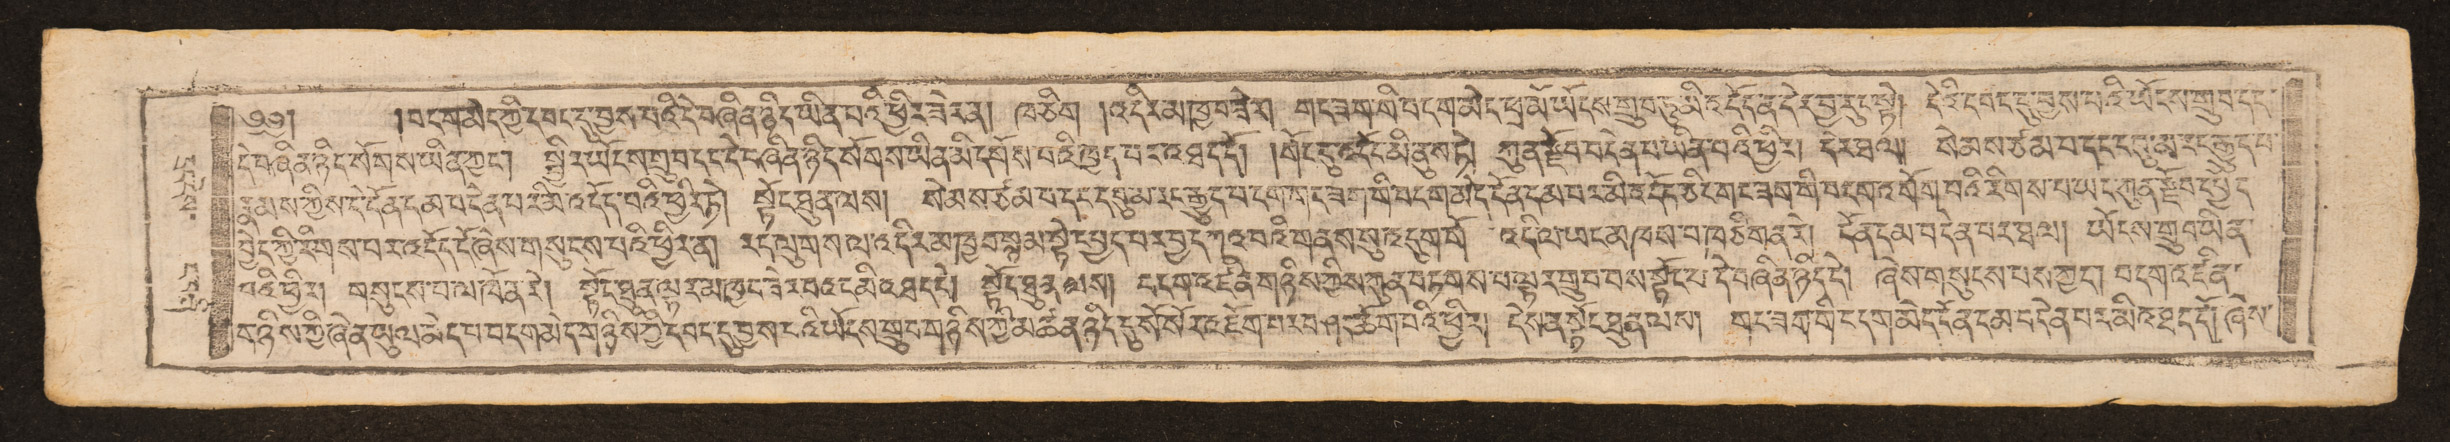༄༅། །བདག་མེད་ཀྱི་དབང་དུ་བྱས་པའི་དེ་བཞིན་ཉིད་ཡིན་པའི་ཕྱིར་ཟེར་ན། ཁ་ཅིག །འདིར་མ་ཁྱབ་ཟེར། གང་ཟག་གི་བདག་མེད་བྲ་མོ་ཡོངས་གྲུབ་ཏུ་མི་འདོད་ན་དེར་བྱ་རུང་སྟེ། དེའི་དབང་དུ་བྱས་པའི་ཡོངས་གྲུབ་དང་
དེ་བཞིན་ཉིད་སོགས་ཡིན་ཀྱང་། སྦྱིར་ཡོངས་གྲུབ་དང་དེ་བཞིན་ཉིད་སོགས་ཡིན་མི་དགོས་པའི་ཁྱད་པར་འཐད་དོ། །གོང་དུ་འདོད་མི་ནུས་ཏེ། ཀུན་རྫོབ་བདེན་པ་ཡིན་པའི་ཕྱིར། དེར་ཐལ། སེམས་ཙམ་པ་དང་དབུ་མ་རང་རྒྱུད་པ་
རྣམས་ཀྱིས་དེ་དོན་དམ་བདེན་པར་མི་འདོད་པའི་ཕྱིར་ཏེ། སྟོང་ཐུན་ལས། སེམས་ཙམ་པ་དང་དབུ་མ་རང་རྒྱུད་པ་དག་གང་ཟག་གི་བདག་མེད་དོན་དམ་པར་མི་འདོད་ཅིང་གང་ཟག་གི་བདག་འགོག་པའི་རིགས་པ་ཡང་ཀུན་རྫོབ་དཔྱོད་
བྱེད་ཀྱི་རིགས་པར་འདོད་དོ་ཞེས་གསུངས་པའི་ཕྱིར་ན། རང་ལུགས་ལ་འདིར་མ་ཁྱབ་སྙམ་སྟེ་དཔྱད་པར་བྱ་དཀའ་པའི་གནས་སུ་འདུག་གོ་འདི་ལ་ཡང་མཁས་པ་ཁ་ཅིག་ན་རེ། དོན་དམ་བདེན་པར་ཐལ། ཡོངས་གྲུབ་ཡིན་
བའི་ཕྱིར། གསུངས་པ་ལ་ཁོ་ན་རེ། སྟོང་ཐུན་ལྟར་མ་ཁྱབ་ཟེར་བའང་མི་འཐད་དེ། སྟོང་ཐུན་ལས། བདག་འཛིན་གཉིས་ཀྱིས་ཀུན་བཏགས་པ་ལྟར་གྲུབ་པས་སྟོང་པ་དེ་བཞིན་ཉིད་དེ། ཞེས་གསུངས་པས་ཕྱིར། བདག་འཛིན་
གཉིས་ཀྱི་ཞེན་ཡུལ་མེད་པ་བདག་མེད་གཉིས་ཀྱི་དབང་དུ་བྱས་པའི་ཡོངས་གྲུབ་གཉིས་ཀྱི་མཚན་ཉིད་དུ་སོ་སོར་འཇོག་པར་བཤད་ཆོག་པའི་ཕྱིར། དེས་ན་སྟོང་ཐུན་ལས། གང་ཟག་གི་བདག་མེད་དོན་དམ་བདེན་པར་མི་འཐད་དོ། ཞེས་